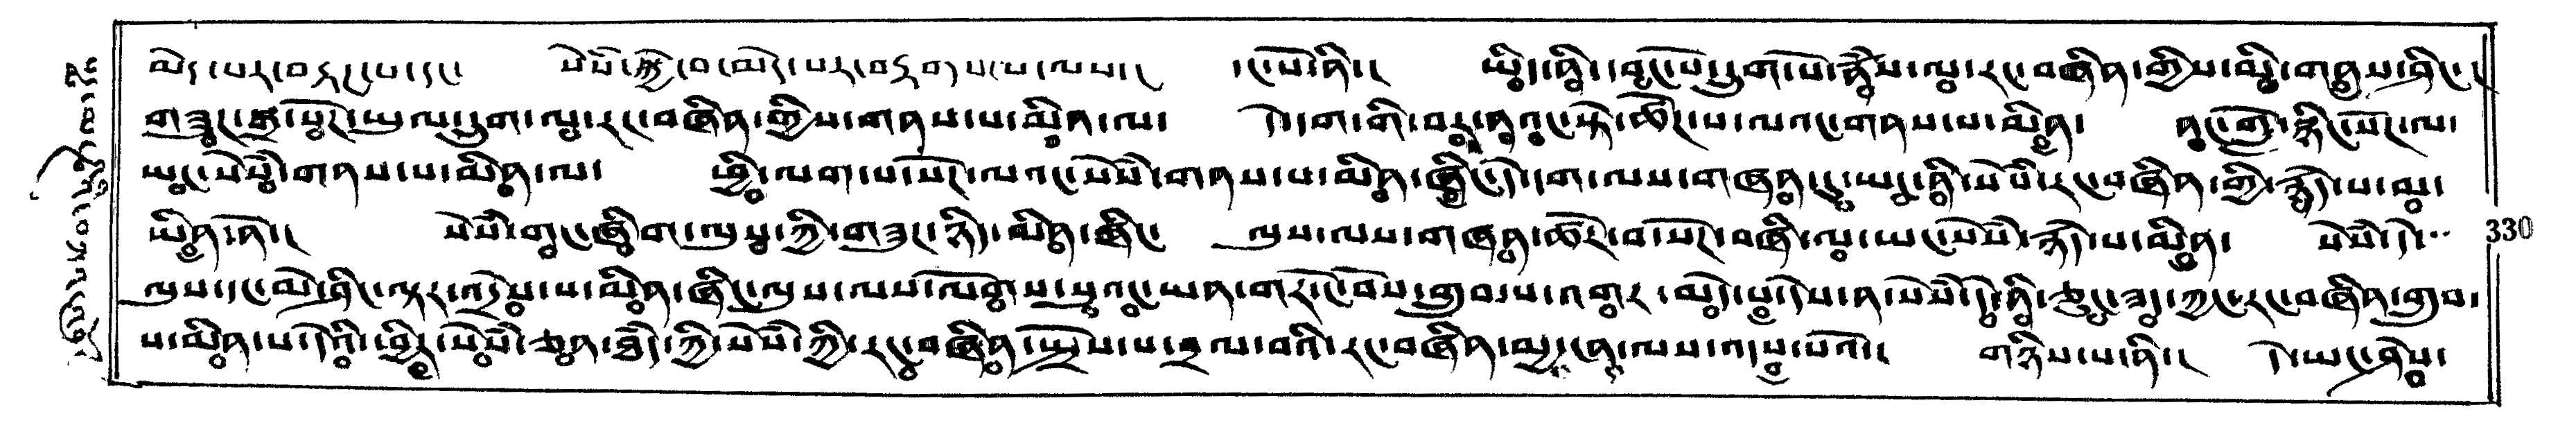མེད་པར་བརྟགས་པ་དང་། སེམས་སྐྱེ་བ་མེད་པར་བརྟགས་པ་ལས། དང་པོ་ནི། ཡིད་ནི་དབང་པོ་དྲུག་པོ་རྣམས་ལ་རང་བཞིན་གྱིས་མི་གནས་ཤིང་། 
གཟུགས་སྒྲ་སོགས་ཡུལ་དྲུག་ལ་རང་བཞིན་གྱིས་གནས་པ་མིན་ལ། དེ་དག་གི་བར་ནའང་སྟེ་ཚོགས་པ་ལའང་གནས་པ་མིན། ནང་གློ་སྙིང་སོགས་ལ་
ཡང་སེམས་གནས་པ་མིན་ལ། ཕྱིའི་ལག་པ་སོགས་ལའང་སེམས་གནས་པ་མིན་ཞིང་དེ་དག་ལས་གཞན་དུ་ཡང་ནི་སེམས་རང་བཞིན་གྱི་རྙེད་པ་མ་
ཡིན་ནོ།། སེམས་གང་ཞིག་ལུས་ཀྱི་གཟུགས་ཉིད་མིན་ཞིང་། ལུས་ལས་གཞན་ཚོར་བ་སོགས་བཞི་ལ་ཡང་སེམས་རྙེད་པ་མིན། སེམས་དེ་
ལུས་དང་མེ་ཤིང་ལྟར་འདྲེས་པ་མིན་ཞིང་ལུས་ལས་ལོགས་སུའང་ཡན་གར་ངོ་བོས་གྲུབ་པ་འགར་མེད་པ་དེས་ན་སེམས་དེ་ནི་ཅུང་ཟད་ཀྱང་རང་བཞིན་གྲུབ་
པ་མིན་པ་དེའི་ཕྱིར་སེམས་ཅན་ཐམས་ཅད་ཀྱི་སེམས་ཀྱི་རང་བཞིན་སྤྲོས་པ་བྲལ་བའི་རང་བཞིན་མྱ་ངན་ལས་འདས་པའོ།། གཉིས་པ་ནི། དེ་ཡང་ཤེས་